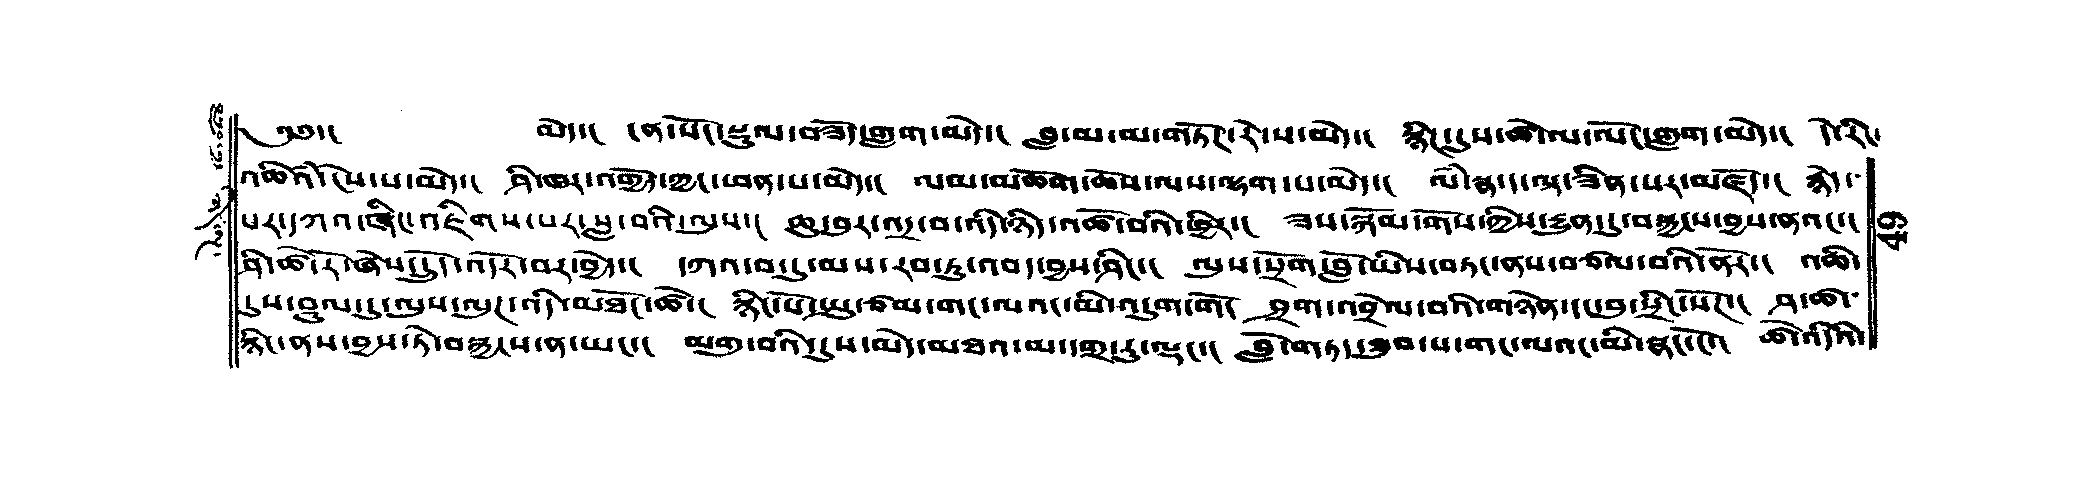མེད། །ངན་སོང་སྡུག་བསྔལ་བཟོད་གླག་མེད། །བླ་མ་མ་གཏོགས་རེ་ས་མེད། །སྙིགས་དུས་ཚེ་ལ་ལོང་གླག་མེད། །དེ་རིང་
འཆིའམ་ངེས་པ་མེད། །ཤི་ཁར་འགྱོད་ཀྱང་ཕན་པ་མེད། །ལམ་མཆོག་ཆོས་ལ་ལྷག་པ་མེད། །ལམ་སྣ་ད་ལྟ་ཟིན་པར་མཛོད། །རྙེད་
པར་དཀའ་ཞིང་འཇིགས་པར་སླ་བའི་ལུས། །ཆུ་བུར་འདྲ་བ་འདི་ཉིད་འཚོ་བའི་ཕྱིར། །ཟས་སྐོམ་གོས་ཀྱིས་རྒྱུན་དུ་བསྐྱངས་བྱས་ནའང་། །
ཤི་ཚེ་རོ་ཞེས་དུར་ཁྲོད་འདོར་བར་བྱེད། །དཀའ་བ་དུ་མས་རབ་ཏུ་འབད་བྱེད་ཅིང་། །ལུས་སྲོག་བློ་ཡིས་བཏང་ནས་བཙལ་བའི་ནོར། །འཆི་
དུས་ཤུལ་དུ་ལུས་ལུགས་འདི་མཐོང་ཚེ། །སྙིང་པོ་སྤུ་ཙམ་གང་ལའང་མི་འདུག་གོ། །ཤ་ཁྲག་འབྲེལ་བའི་གཉེན་དང་བུ་སྲིང་སོགས། །ཤ་ཚ་
སྙིང་ནས་བྱས་ཏེ་བསྐྱངས་ན་ཡང་། །མགུ་བའི་དུས་མེད་མཐའ་མ་དགྲ་རུ་ལྡང་། །བློ་གཏད་ཐུབ་པ་གང་ལའང་མི་སྣང་ངོ། །ཚེ་འདིའི་